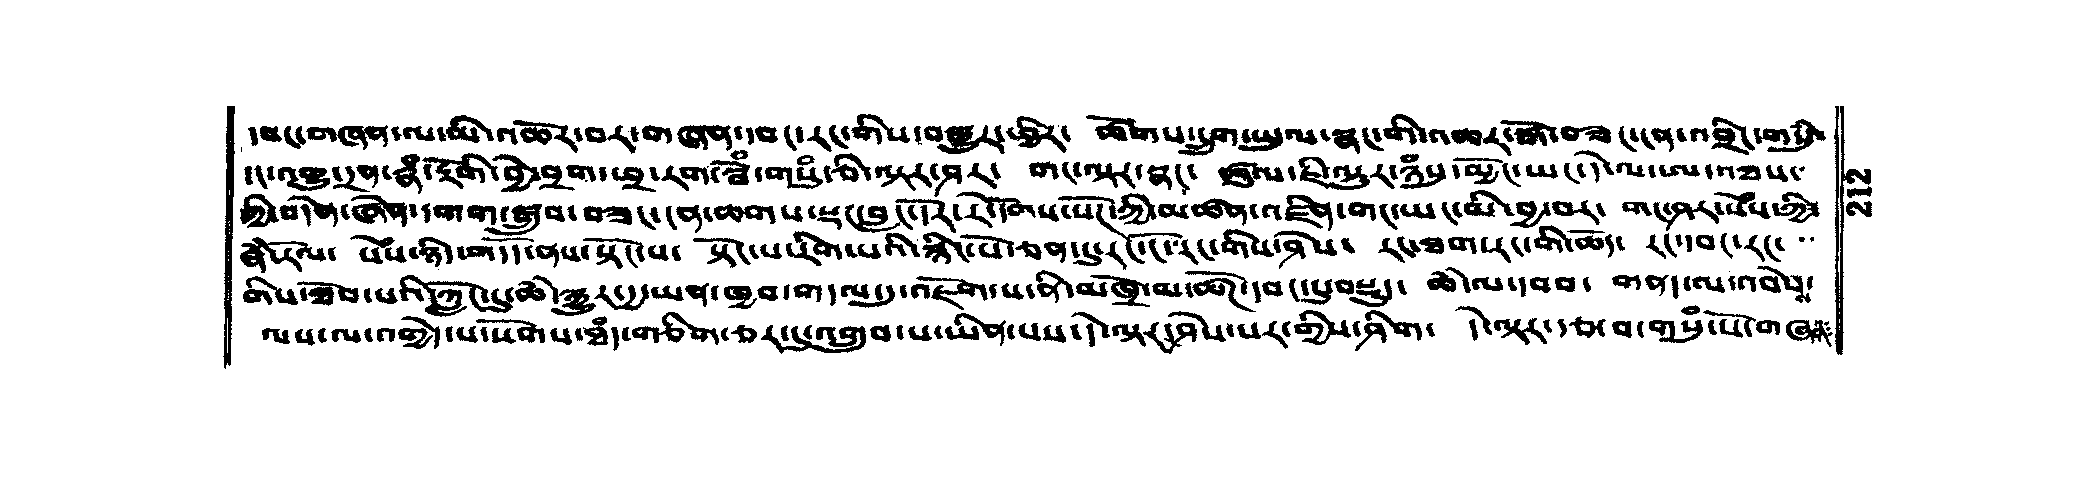དབང་གཞན་ལ་མི་འཆོར་བར་གཞན་དབང་རང་གིས་བསྒྱུར་ཕྱིར། ཆོགས་དྲུག་ཡུལ་སྣང་གི་འཆར་སྒོ་བཟང་ངན་འབྲིང་གསུམ་
དང་འགྱུ་དྲན་རྣམ་རྟོག་གི་བྱེ་བྲག་ཕྲ་རག་སྦོམ་གསུམ་ཅི་ལྟར་ཤར། གང་ལྟར་སྣང་ཚུལ་ཇི་ལྟ་བུར་ཉམས་སུ་མྱོང་ཡང་དེ་ལ་ཨ་འཐས་
ཀྱི་བདེན་ཞེན་དགག་སྒྲུབ་བཟང་ངན་ཆགས་སྡང་བླང་དོར་རེ་དགོས་སོགས་ཀྱི་མཚན་འཛིན་གང་ཡང་མི་བྱ་བར། གང་ཤར་སེམས་ཀྱི་
རྣམ་རོལ།སེམས་ཉིད་གདོད་ནས་སྟོང་པ། སྟོང་པ་རིག་པའི་སྙིང་པོ་ཅན་དུ་རང་ངོ་རང་གིས་ཤེས། རང་ཐག་རང་གི་ཆོད། རང་དབང་རང་
གིས་ཐོབ་པའི་ཀློང་དུ་ཆམ་སྐྱུར་རྒྱ་ཡན་ཁྱབ་གདལ་དུ་འཇོག་པ་ནི་མཁའ་འགྲོ་མ་ཚོགས་དབང་དུ་བསྡུད། ཆམ་ལ་དབབ། གནད་ལ་འབེབས་། 
ལས་ལ་འགྱེད་པ་སོགས་ཐམས་ཅད་གཅིག་ཅར་དུ་འགྲུབ་པ་ཡིན་པས་དེ་ལྟར་ཤེས་པར་གྱིས་ཤིག དེ་ལྟར་རྩ་བ་གསུམ་པོ་གཞན་